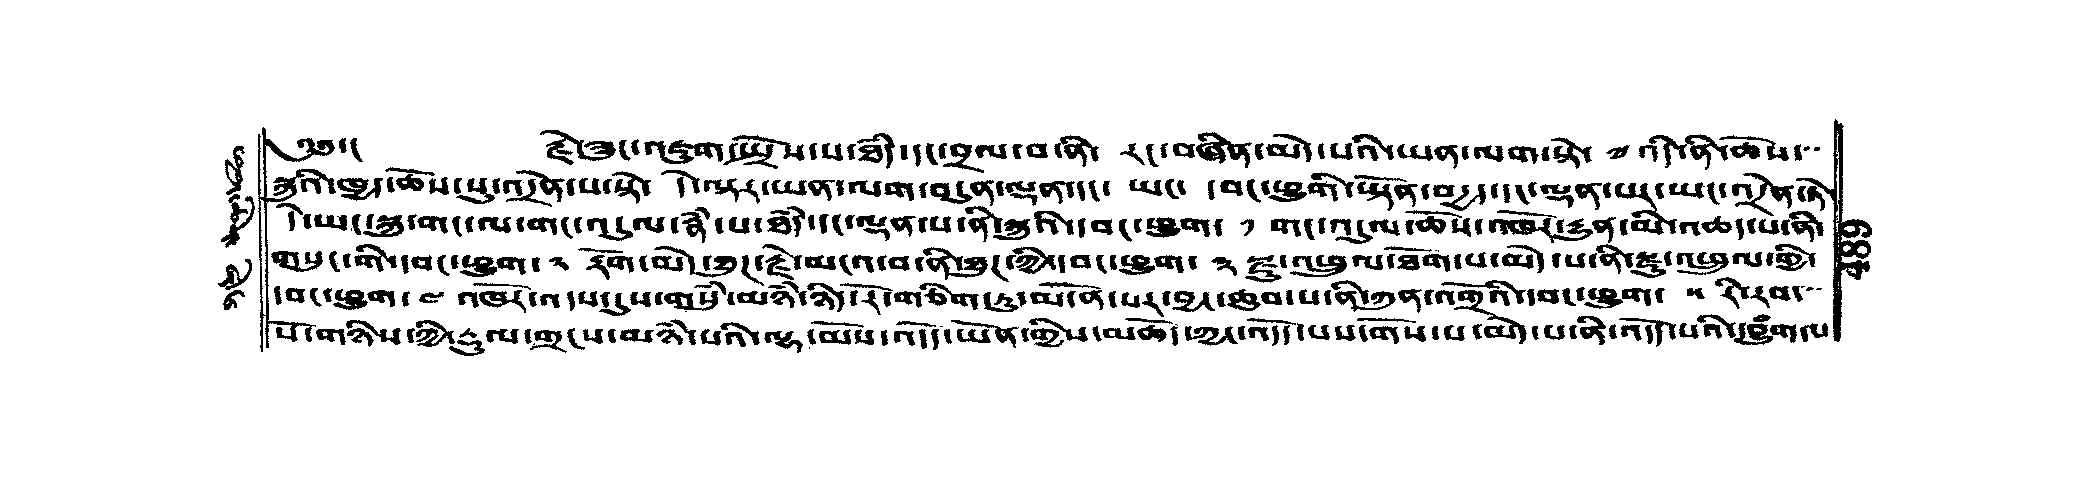རྗེ་ཟུང་འཇུག་སྤྲོས་པ་ཐམས་ཅད་དང་བྲལ་བ་ནི། རང་བཞིན་མེད་པའི་ཡན་ལག་སྟེ། ༧ འདི་ནི་ཆོས་
སྐུའི་ཁྱད་ཆོས་སུ་འདྲེན་པ་སྟེ། དེ་ལྟར་ཡན་ལག་བདུན་ལྡན་དང་། ཡང་དབང་ཕྱུག་གི་ཡོན་ཏན་བརྒྱད་དང་ལྡན་པར་ཡང་འདྲེན་ཏེ་
དེ་ཡང་སྐུ་གང་ལ་གང་འདུལ་རྣམ་པ་ཐམས་ཅད་དང་ལྡན་པ་ནི་སྐུའི་དབང་ཕྱུག ༡ གང་འདུལ་ཆོས་འཁོར་རྒྱུན་མི་འཆད་པ་ནི་
གསུང་གི་དབང་ཕྱུག ༢ རྟོག་མེད་ཐུགས་རྗེ་མངའ་བ་ནི་ཐུགས་ཀྱི་དབང་ཕྱུག ༣ རྫུ་འཕྲུལ་ཐོགས་པ་མེད་པ་ནི་རྫུ་འཕྲུལ་གྱི་
དབང་ཕྱུག ༤ འཁོར་འདས་དུས་གསུམ་མཉམ་ཉིད་རོ་གཅིག་ཏུ་མངོན་པར་བྱང་ཆུབ་པ་ནི་ཀུན་འགྲོའི་དབང་ཕྱུག ༥ རི་རབ་
སོ་གཉིས་ཀྱི་རྡུལ་གྲངས་མཉམ་པའི་ལྷ་མོས་འདོད་ཡོན་གྱིས་མཆོད་ཀྱང་འདོད་པས་གོས་བ་མེད་པ་ནི་འདོད་པའི་དབང་ཕྱུག ༦